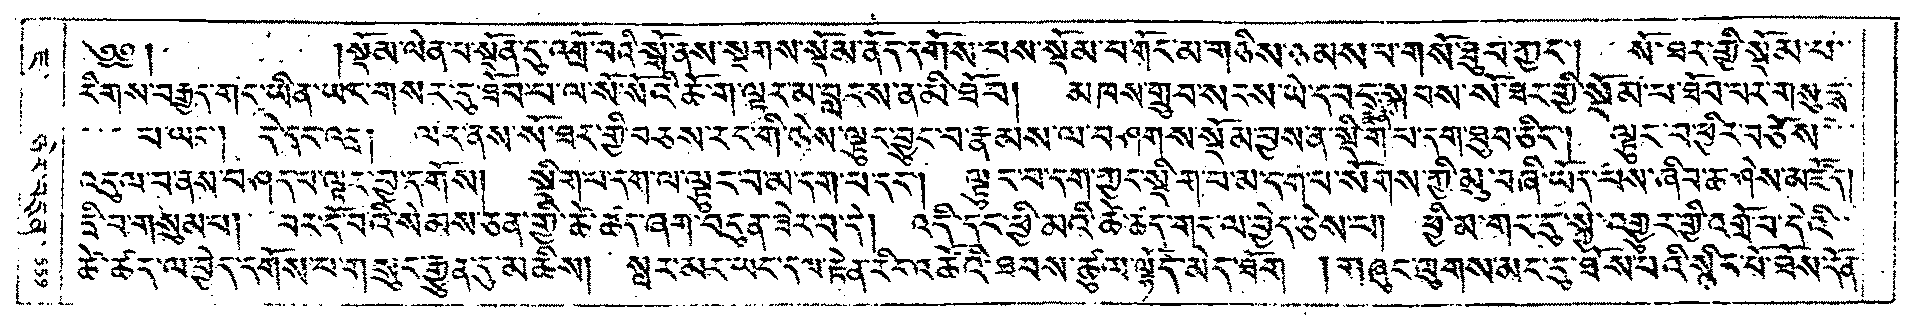༄༅། །སྡོམ་ལེན་པ་སྔོན་དུ་འགྲོ་བའི་སྒོ་ནས་སྔགས་སྡོམ་ནོད་དགོས་པས་སྡོམ་པ་གོང་མ་གཉིས་ཉམས་པ་གསོ་ཐུབ་ཀྱང་། སོ་ཐར་གྱི་སྡོམ་པ་
རིགས་བརྒྱད་གང་ཡིན་ཡང་གསར་དུ་ཐོབ་པ་ལ་སོ་སོའི་ཆོ་ག་ལྟར་མ་བླངས་ན་མི་ཐོབ། མཁས་གྲུབ་སངས་ཡེ་དབང་ཆེན་སྐབས་སོ་ཐར་གྱི་སྡོམ་པ་ཐོབ་པར་གསུངས་
པ་ཡང་། དེ་དང་འདྲ། ལར་ནས་སོ་ཐར་གྱི་བཅས་རང་གི་ཉེས་ལྟུང་བྱུང་བ་རྣམས་ལ་བཤགས་སྡོམ་བྱས་ན་སྡིག་པ་དག་ཐུབ་ཅིང་། ལྟུང་བ་ཕྱིར་བཅོས་
འདུལ་བ་ནས་བཤད་པ་ལྟར་བྱ་དགོས། སྡིག་པ་དག་ལ་ལྟུང་བ་མ་དག་པ་དང་། ལྟུང་བ་དག་ཀྱང་སྡིག་པ་མ་དག་པ་སོགས་ཀྱི་མུ་བཞི་ཡོད་པས་ཞིབ་ཆ་ཤེས་མཛོད།
དྲི་བ་གསུམ་པ། བར་དོ་བའི་སེམས་ཅན་གྱི་ཚེ་ཚད་ཞག་བདུན་ཟེར་བ་དེ། འདི་དང་ཕྱི་མའི་ཚེ་ཚད་གང་ལ་བྱེད་ཅེས་པ། ཕྱི་མ་གང་དུ་སྐྱེ་འགྱུར་གྱི་འགྲོ་བ་དེའི་
ཚེ་ཚད་ལ་བྱེད་དགོས་པ་གསུང་རྒྱུན་དུ་མཆིས། སླར་མར་ཡང་དལ་རྟེན་རིང་འཚོའི་ཐབས་ཚུལ་ལྷོད་མེད་ཐོག །གཞུང་ལུགས་མང་དུ་ཐོས་པའི་སྙིང་པོ་ཐོས་དོན་